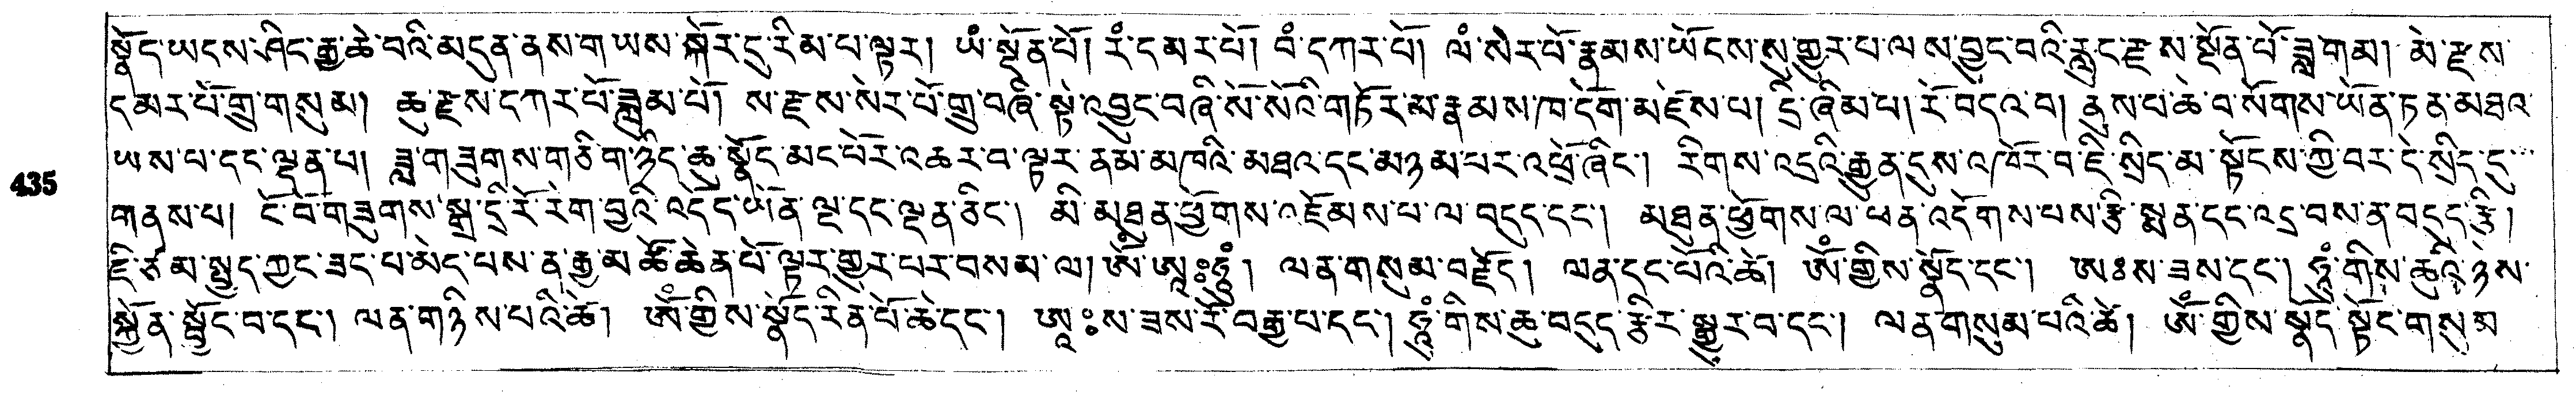སྣོད་ཡངས་ཤིང་རྒྱ་ཆེ་བའི་མདུན་ནས་གཡས་སྐོར་དུ་རིམ་པ་ལྟར། ཡཾ་སྔོན་པོ། རཾ་དམར་པོ། བཾ་དཀར་པོ། ལཾ་སེར་པོ་རྣམས་ཡོངས་སུ་གྱུར་པ་ལས་བྱུང་བའི་རླུང་རྫས་སྔོན་པོ་ཟླ་གམ། མེ་རྫས་
དམར་པོ་གྲུ་གསུམ། ཆུ་རྫས་དཀར་པོ་ཟླུམ་པོ། ས་རྫས་སེར་པོ་གྲུ་བཞི་སྟེ་འབྱུང་བཞི་སོ་སོའི་གཏོར་མ་རྣམས་ཁ་དོག་མཛེས་པ། དྲི་ཞིམ་པ། རོ་བདའ་བ། ནུས་པ་ཆེ་བ་སོགས་ཡོན་ཏན་མཐའ་
ཡས་པ་དང་ལྡན་པ། ཟླ་གཟུགས་གཅིག་ཉིད་ཆུ་སྣོད་མང་པོར་འཆར་བ་ལྟར་ནམ་མཁའི་མཐའ་དང་མཉམ་པར་འཕྲོ་ཞིང་། རིགས་འདྲའི་རྒྱུན་དུས་འཁོར་བ་ཇི་སྲིད་མ་སྟོངས་ཀྱི་བར་དེ་སྲིད་དུ་
གནས་པ། ངོ་བོ་གཟུགས་སྒྲ་དྲི་རོ་རེག་བྱའི་འདོད་ཡོན་ལྔ་དང་ལྡན་ཅིང་། མི་མཐུན་ཕྱོགས་འཇོམས་པ་ལ་བདུད་དང་། མཐུན་ཕྱོགས་ལ་ཕན་འདོགས་པས་རྩི་སྨན་དང་འདྲ་བས་ན་བདུད་རྩི།
ཇི་ཙམ་སྤྱད་ཀྱང་ཟད་པ་མེད་པས་ན་རྒྱ་མཚོ་ཆེན་པོ་ལྟར་གྱུར་པར་བསམ་ལ། ཨོཾ་ཨཱཿ ཧཱུཾ། ལན་གསུམ་བརྗོད། ལན་དང་པོའི་ཚེ། ཨོཾ་གྱིས་སྣོད་དང་། ཨཿ ས་ཟས་དང་། ཧཱུཾ་གིས་ཆུའི་ཉེས་
སྐྱོན་སྦྱོང་བ་དང་། ལན་གཉིས་པའི་ཚེ། ཨོཾ་གྱིས་སྣོད་རིན་པོ་ཆེ་དང་། ཨཱཿ ས་ཟས་རོ་བརྒྱ་པ་དང་། ཧཱུཾ་གིས་ཆུ་བདུད་རྩིར་སྒྱུར་བ་དང་། ལན་གསུམ་པའི་ཚེ། ཨོཾ་གྱིས་སྣོད་སྟོང་གསུམ་